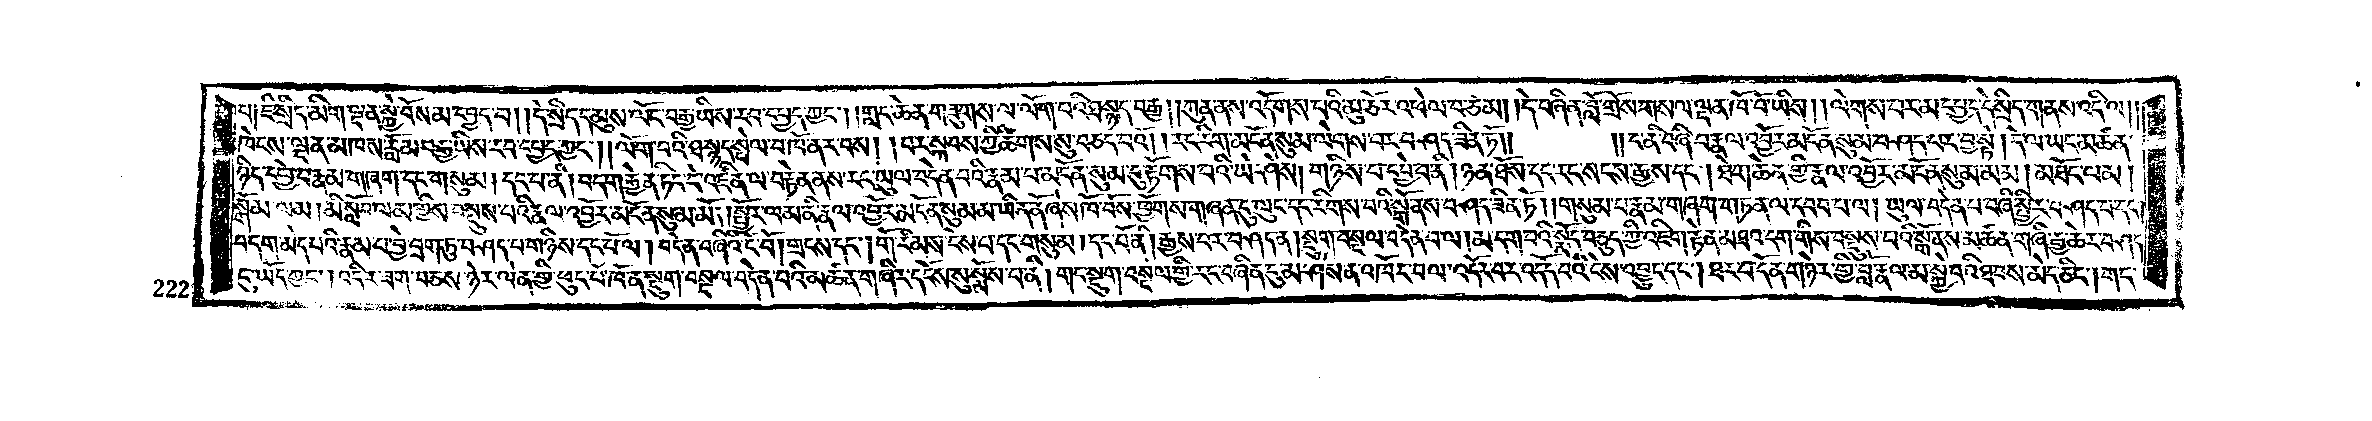པ༑ ཇི་སྲིད་མིག་ལྡན་སྐྱེ་བོས་མ་དཔྱད་པ། །དེ་སྲིད་དམུས་ལོང་བརྒྱ་ཡིས་རབ་དཔྱད་ཀྱང་། གླང་ཆེན་གཟུགས་ལ་ལོག་པའི་ཐ་སྙད་བརྒྱ། ། ཀུན་ནས་འདོགས་པའི་མུ་ཆོར་?་འཕེལ་བ་ཙམ། །དེ་བཞིན་བློ་གྲོས་གསལ་ལྡན་ཁོ་བོ་ཡིས། ལེགས་པར་མ་དཔྱད་དེ་སྲིད་གནས་འདི་ལ། །
ཁེངས་ལྡན་མཁས་རློམ་བརྒྱ་ཡིས་རབ་དཔྱད་ཀྱང་། །ལོག་པའི་ཐ་སྙད་སྤེལ་བ་ཁོ་ནར་བས། །བར་སྐབས་ཀྱི་ཚིགས་སུ་བཅད་པའོ། །རང་རིག་མངོན་སུམ་ལེགས་པར་བཤད་ཟིན་ཏོ།། །།ད་ནི་བཞི་བ་རྣལ་འབྱོར་མངོན་སུམ་བཤད་པར་བྱ་སྟེ། དེ་ལ་ཡང་མཚན་
ཉིད་དབྱེ་བ་རྣམ་གཞག་དང་གསུམ། དང་པ་ནི། བདག་རྐྱེན་ཏིང་ངེ་འཛིན་ལ་བརྟེན་ནས་རང་ཡུལ་བདེན་པའི་རྣམ་པ་མངོན་སུམ་དུ་རྟོགས་པའི་ཡེ་ཤེས། གཉིས་པ་དབྱེ་བ་ནི། ཉན་ཐོས་དང་རང་སངས་རྒྱས་དང་། ཐེག་ཆེན་གྱི་རྣལ་འབྱོར་མངོན་སུམ་མམ། མཐོང་ལམ་
སྒོམ་ལམ། མི་སློབ་ལམ་གྱིས་བསྡུས་པའི་རྣལ་འབྱོར་མངོན་སུམ་མོ། །སྦྱོར་ལམ་ནི་རྣལ་འབྱོར་མངོན་སུམ་མ་ཡིན་ནོ་ཞེས་ཁོ་བོས་ཕྱོགས་གཞན་དུ་ལུང་དང་རིགས་པའི་སྒོ་ནས་བཤད་ཟིན་ཏོ། །གསུམ་པ་རྣམ་གཞག་གཏན་ལ་དབབ་པ་ལ། ཡུལ་བདེན་པ་བཞི་སྤྱིར་བཤད་པ་དང་།
བདག་མེད་པའི་རྣམ་པ་བྱེ་བྲག་ཏུ་བཤད་པ་གཉིས་དང་པོ་ལ། བདེན་བཞིའི་ངོ་བོ། གྲངས་དང་། གོ་རིམས་ངེས་པ་དང་གསུམ། དང་པོ་ནི། རྒྱས་པར་བཤད་ན། སྡུག་བསྔལ་བདེན་པ་ལ། མ་དག་པའི་སྣོད་བཅུད་ཀྱི་འཇིག་རྟེན་མཐའ་དག་གིས་བསྡུས་པའི་སྒོ་ནས་མཚན་གཞི་རྒྱ་ཆེར་བཤད་
དུ་ཡོད་ཀྱང་། འདིར་ཟག་བཅས་ཉེར་ལེན་གྱི་ཕུང་པོ་ཁོ་ན་སྡུག་བསྔལ་བདེན་པའི་མཚན་གཞིར་དངོས་སུ་སྨོས་པ་ནི། གང་སྡུག་བསྔལ་གྱི་རང་བཞིན་དུ་མ་ཤེས་ན་འཁོར་བ་ལ་འདོར་བར་འདོད་པའི་ངེས་འབྱུང་དང་། ཐར་པ་དོན་གཉེར་གྱི་བློ་རྣལ་མ་སྐྱེ་བའི་ཐབས་མེད་ཅིང་། གང་